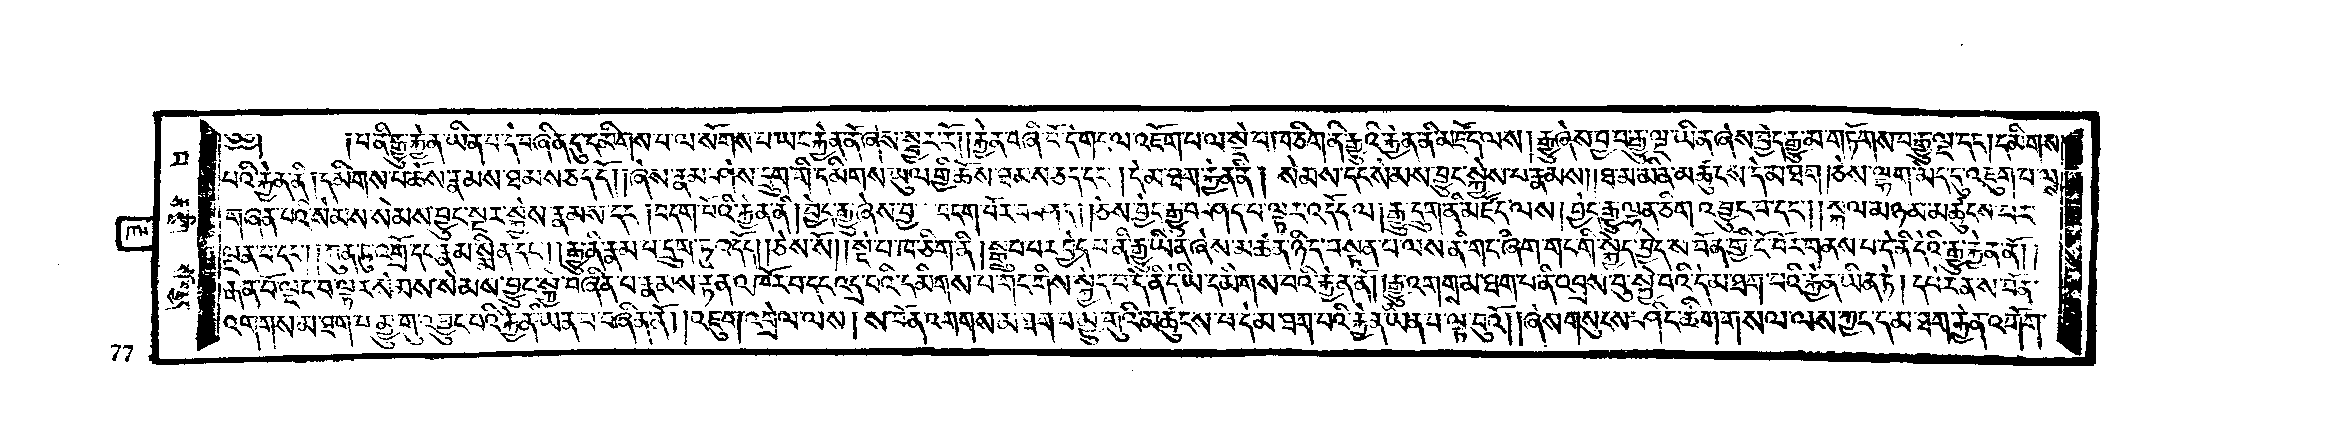༄༅། །པ་ནི་རྒྱུ་རྐྱེན་ཡིན་པ་དེ་བཞིན་དུ་དམིགས་པ་ལ་སོགས་པ་ཡང་རྐྱེན་ནོ་ཞེས་སྦྱར་རོ། །རྐྱེན་བཞི་པོ་དེ་གང་ལ་འཇོག་པ་ལ་སྡེ་པ་ཁ་ཅིག་ནི་རྒྱུའི་རྐྱེན་ནི་མཛོད་ལས། རྒྱུ་ཞེས་བྱ་བ་རྒྱུ་ལྔ་ཡིན་ཞེས་བྱེད་རྒྱུ་མ་གཏོགས་པ་རྒྱུ་ལྔ་དང་། དམིགས་
པའི་རྐྱེན་ནི། དམིགས་པ་ཆོས་རྣམས་ཐམས་ཅད་དོ། །ཞེས་རྣམ་ཤེས་དྲུག་གི་དམིགས་ཡུལ་གྱི་ཆོས་ཐམས་ཅད་དང་། དེ་མ་ཐག་རྐྱེན་ནི། སེམས་དང་སེམས་བྱུང་སྐྱེས་པ་རྣམས། །ཐ་མ་མིན་མཚུངས་དེ་མ་ཐག །ཅེས་ལྷག་མེད་དུ་འཇུག་པ་ལས་
གཞན་པའི་སེམས་སེམས་བྱུང་སྔར་སྐྱེས་རྣམས་དང་།བདག་པོའི་རྐྱེན་ནི། བྱེད་རྒྱུ་ཞེས་བྱ་བདག་པོར་བཤད། །ཅེས་བྱེད་རྒྱུ་བཤད་པ་ལྟར་འདོད་ལ། རྒྱུ་དྲུག་ནི་མཛོད་ལས། བྱེད་རྒྱུ་ལྷན་ཅིག་འབྱུང་བ་དང་། །སྐལ་མཉམ་མཚུངས་པར་
ལྡན་པ་དང་། །ཀུན་ཏུ་འགྲོ་དང་རྣམ་སྨིན་དང་། །རྒྱུ་ནི་རྣམ་པ་དྲུག་ཏུ་འདོད། །ཅེས་སོ། །སྡེ་པ་ཁ་ཅིག་ནི། སྒྲུབ་པར་བྱེད་པ་ནི་རྒྱུ་ཡིན་ཞེས་མཚན་ཉིད་བསྟན་པ་ལས་ནི་གང་ཞིག་གང་གི་སྐྱེད་བྱེད་ས་བོན་གྱི་ངོ་བོར་གནས་པ་དེ་ནི་དེའི་རྒྱུ་རྐྱེན་ནོ། །
རྒན་པོ་ལྡང་བ་ལྟར་སེམས་སེམས་བྱུང་སྐྱེ་བཞིན་པ་རྣམས་རྟེན་འཁར་བ་དང་འདྲ་བའི་དམིགས་པ་གང་གིས་སྐྱེད་པ་དེ་ནི་དེ་འཁར་བ་དང་འདྲ་བའི་དམིགས་པ་གང་གིས་སྐྱེད་པ་དེ་ནི་དེ་ཡི་བའི་དེ་མ་ཐག་པའི་རྐྱེན་ཡིན་ཏེ། དཔེར་ན་ས་བོན་
འགགས་མ་ཐག་པ་མྱུ་གུ་འབྱུང་བའི་རྐྱེན་ཡིན་པ་བཞིན་ནོ། །འཇུག་འགྲེལ་ལས། ས་བོན་འགགས་མ་ཐག་པ་མྱུ་གུའི་མཚུངས་པ་དེ་མ་ཐག་པའི་རྐྱེན་ཡིན་པ་ལྟ་བུའོ། །ཞེས་གསུངས་ཤིང་ཚིག་གསལ་ལས་ཀྱང་དེ་མ་ཐག་རྐྱེན་འགོག་